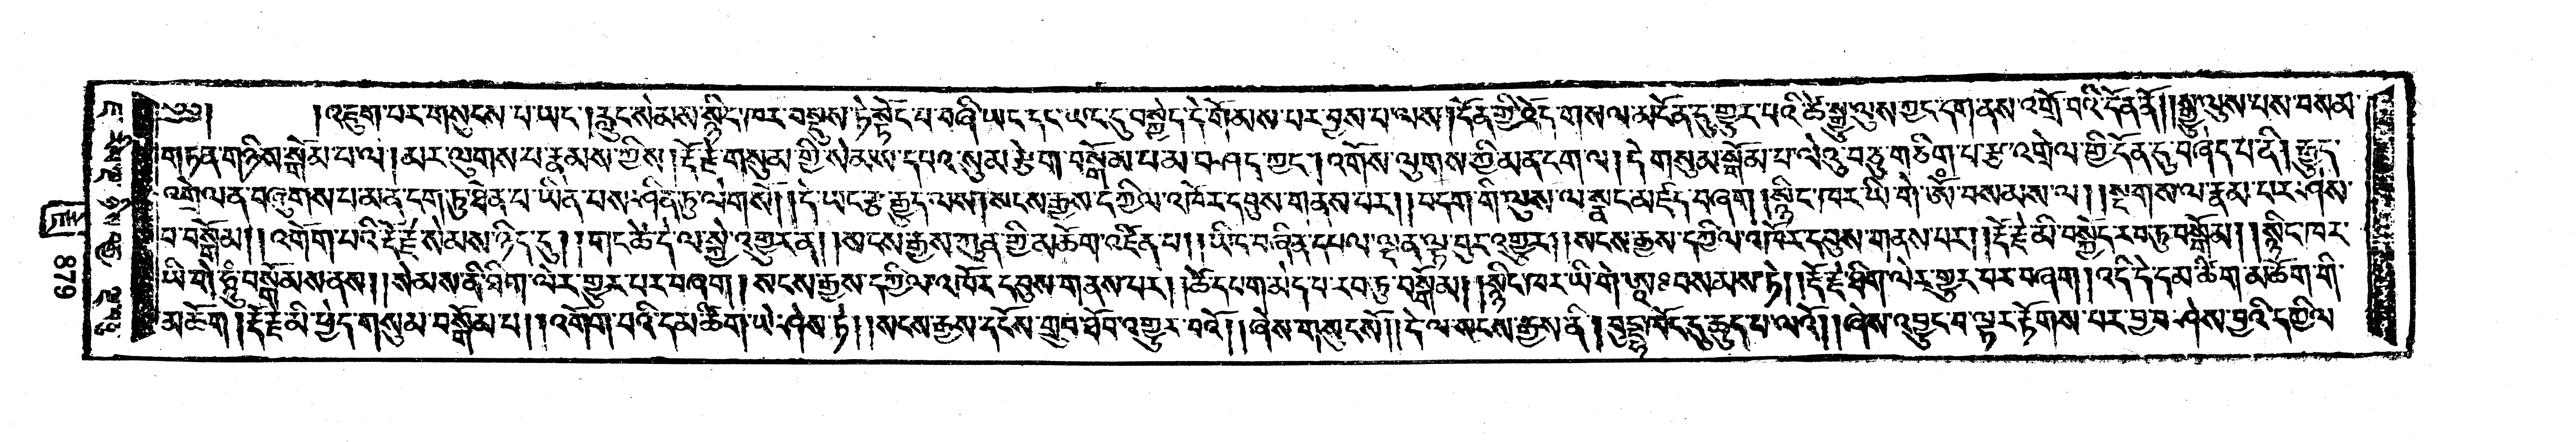༄༅། །འཇུག་པར་གསུངས་པ་ཡང༑ རླུང་སེམས་སྙིང་ཁར་བསྡུས་ཏེ་སྟོང་པ་བཞི་ཡང་དང་ཡང་དུ་བསྐྱེད་དེ་གོམས་པར་བྱས་པ་ལས། དོན་གྱི་འོད་གསལ་མངོན་དུ་གྱུར་པའི་ཚེ་སྒྱུ་ལུས་ཀྱང་དག་ནས་འགྲོ་བའི་དོན་ནི། །སྒྱུ་ལུས་པས་བསམ་
གཏན་གཉིས་སྒོམ་པ་ལ། མར་ལུགས་པ་རྣམས་ཀྱིས། རྡོ་རྗེ་གསུམ་གྱི་སེམས་དཔའ་སུམ་རྩེག་བསྒོམ་པ་མ་བཤད་ཀྱང་། འགོས་ལུགས་ཀྱི་མན་ངག་ལ། དེ་གསུམ་སྒོམ་པ་ལེའུ་བཅུ་གཅིག་པ་རྩ་འགྲེལ་གྱི་དོན་དུ་བཞེད་པ་ནི། རྒྱུད་
འགྲེལ་ན་བཞུགས་པ་མན་ངག་ཏུ་ཐོན་པ་ཡིན་པས་ཤིན་ཏུ་ལེགས་སོ། །དེ་ཡང་རྩ་རྒྱུད་ལས། སངས་རྒྱས་དཀྱིལ་འཁོར་དབུས་གནས་པར། །བདག་གི་ལུས་ལ་སྣང་མཛད་བཞག །སྙིང་ཁར་ཡི་གེ་ཨོཾ་བསམས་ལ། །སྔགས་ལ་རྣམ་པར་ཤེས་
པ་བསྒོམ། །འགག་པའི་རྡོ་རྗེ་སེམས་ཉིད་དུ། །གང་ཚེ་དེ་ལ་སྐྱེ་འགྱུར་ན། །སངས་རྒྱས་ཀུན་གྱི་མཆོག་འཛིན་པ། །ཡིད་བཞིན་དཔལ་ལྡན་ལྟ་བུར་འགྱུར། །སངས་རྒྱས་དཀྱིལ་འཁོར་དབུས་གནས་པར། །རྡོ་རྗེ་མི་བསྐྱོད་རབ་ཏུ་བསྒོམ། །སྙིང་ཁར་
ཡི་གེ་ཧཱུཾ་བསྒོམ་ནས། །སེམས་ནི་ཐིག་ལེར་གྱུར་པར་བཞག །སངས་རྒྱས་དཀྱིལ་འཁོར་དབུས་གནས་པར། །ཚེ་དཔག་མེད་པ་རབ་ཏུ་བསྒོམ། །སྙིང་ཁར་ཡི་གེ་ཨཱཿ བསམས་ཏེ། །རྡོ་རྗེ་ཐིག་ལེར་གྱུར་བར་བཞག །འདི་དེ་དམ་ཚིག་མཆོག་གི་
མཆོག །རྡོ་རྗེ་མི་ཕྱེད་གསུམ་བསྒོམ་པ། །འགོག་པའི་དམ་ཚིག་ཡེ་ཤེས་ཏེ། །སངས་རྒྱས་དངོས་གྲུབ་ཐོབ་འགྱུར་བའོ། །ཞེས་གསུངས་སོ། །དེ་ལ་སངས་རྒྱས་ནི། བུདྡྷ་ཁོང་དུ་ཆུད་པ་ལའོ། །ཞེས་འབྱུང་བ་ལྟར་རྟོགས་པར་བྱ་བ་ཤེས་བྱའི་དཀྱིལ་